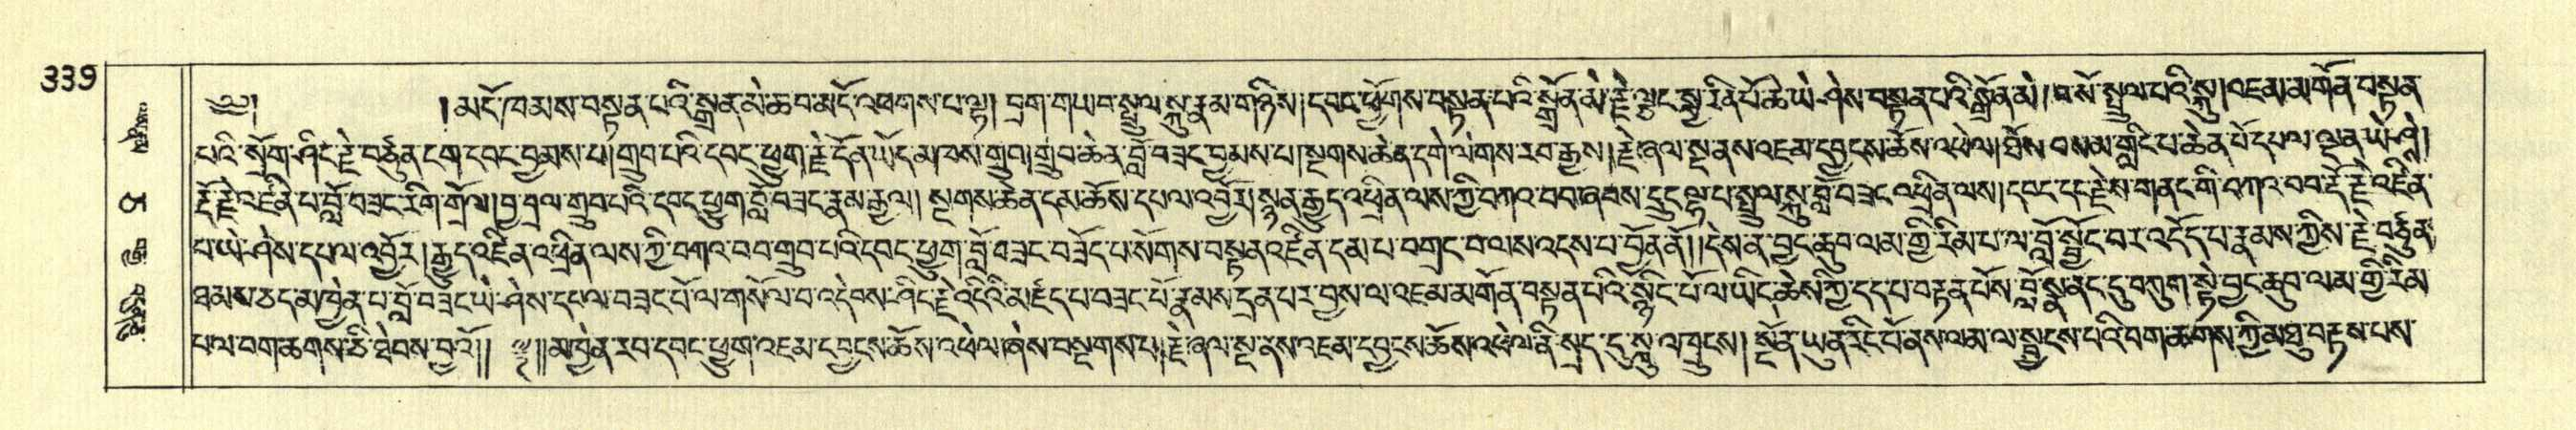༄༅། །མདོ་ཁམས་བསྟན་པའི་སྒྲན་མེ་ཆབ་མདོ་འཕགས་པ་ལྷ། བྲག་གཡབ་སྤྲུལ་སྐུ་རྣམ་གཉིས། དབང་ཕྱོགས་བསྟན་པའི་སྒྲོན་མེ་རྗེ་ལྕང་སྐྱ་རིན་པོ་ཆེ་ཡེ་ཤེས་བསྟན་པའི་སྒྲོན་མེ། བ་སོ་སྤྲུལ་པའི་སྐུ། འཇམ་མགོན་བསྟན་
པའི་སྲོག་ཤིང་རྗེ་བཙུན་ངག་དབང་བྱམས་པ། གྲུབ་པའི་དབང་ཕྱུག་རྗེ་དོན་ཡོད་མཁས་གྲུབ་།གྲུབ་ཆེན་བློ་བཟང་བྱམས་པ། སྔགས་ཆེན་དགེ་ལེགས་རབ་རྒྱས། རྗེ་ཞལ་སྔ་ནས་འཇམ་དབྱངས་ཆོས་འཕེལ། ཐོས་བསམ་གླིང་པ་ཆེན་པོ་དཔལ་ལྡན་ཡེ་ཤེས།
རྡོ་རྗེ་འཛིན་པ་བློ་བཟང་རིག་གྲོལ། བྱ་བྲལ་གྲུབ་པའི་དབང་ཕྱུག་བློ་བཟང་རྣམ་རྒྱལ། སྔགས་ཆེན་དམ་ཆོས་དཔལ་འབྱོར། སྙན་རྒྱུད་འཕྲིན་ལས་ཀྱི་བཀའ་བབ་ཞབས་དྲུང་ལྷ་པ་སྤྲུལ་སྐུ་བློ་བཟང་འཕྲིན་ལས། དབང་དང་རྗེས་གནང་གི་བཀའ་བབ་རྡོ་རྗེ་འཛིན་
པ་ཡེ་ཤེས་དཔལ་འབྱོར་།རྒྱུད་འཛིན་འཕྲིན་ལས་ཀྱི་བཀའ་བབ་གྲུབ་པའི་དབང་ཕྱུག་བློ་བཟང་བཟོད་པ་སོགས་བསྟན་འཛིན་དམ་པ་བགྲང་བ་ལས་འདས་པ་བྱོན་ནོ། །དེས་ན་བྱང་ཆུབ་ལམ་གྱི་རིམ་པ་ལ་བློ་སྦྱོང་བར་འདོད་པ་རྣམས་ཀྱིས་རྗེ་བཙུན་
ཐམས་ཅད་མཁྱེན་པ་བློ་བཟང་ཡེ་ཤེས་དཔལ་བཟང་པོ་ལ་གསོལ་བ་འདེབས་ཤིང་རྗེ་འདིའི་མཛད་པ་བཟང་པོ་རྣམས་དྲན་པར་བྱས་ལ་འཇམ་མགོན་བསྟན་པའི་སྙིང་པོ་ལ་ཡིད་ཆེས་ཀྱི་དད་པ་བརྟན་པོས་བློ་སྣ་ནང་དུ་བཀུག་སྟེ་བྱང་ཆུབ་ལམ་གྱི་རིམ་
པ་ལ་བག་ཆགས་ཅི་ཐེབས་བྱའོ།། ~་།།མཁྱེན་རབ་དབང་ཕྱུག་འཇམ་དབྱངས་ཆོས་འཕེལ་ཞེས་བསྔགས་པ། རྗེ་ཞལ་སྔ་ནས་འཇམ་དབྱངས་ཆོས་འཕེལ་ནི་སྲད་དུ་སྐུ་འཁྲུངས། སྔོན་ཡུན་རིང་པོ་ནས་ལམ་ལ་སྦྱངས་པའི་བག་ཆགས་ཀྱི་མཐུ་བརྟས་པས་